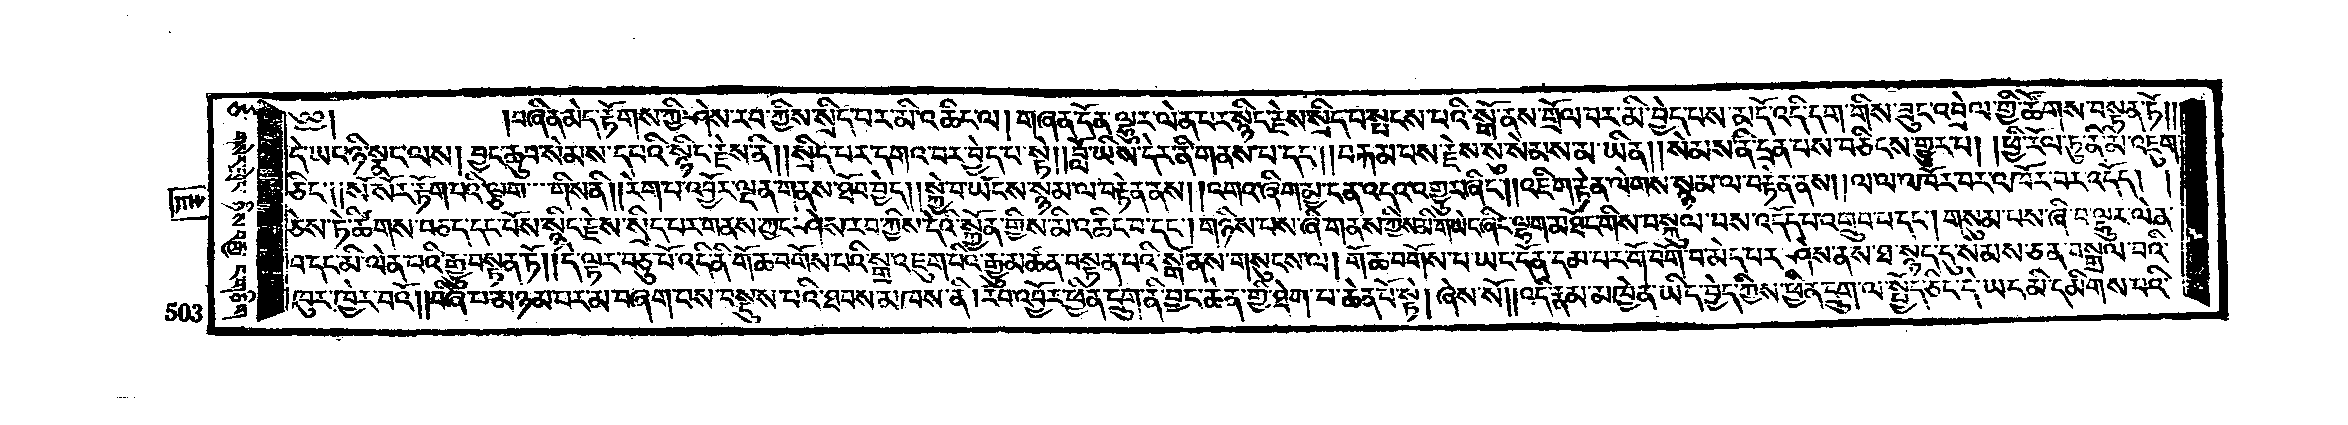༄༅། །བཞིན་མེད་རྟོགས་ཀྱི་ཤེས་རབ་ཀྱིས་སྲིད་པར་མི་འཆིང་ལ། གཞན་དོན་ལྷུར་ལེན་པར་སྙིང་རྗེས་སྲིད་པ་སྤངས་པའི་སྒོ་ནས་གྲོལ་བར་མི་བྱེད་པས་མདོ་འདི་དག་གིས་ཟུང་འབྲེལ་གྱི་ཚོགས་བསྟན་ཏོ།།
དེ་ཡང་ཉི་སྣང་ལས། བྱང་ཆུབ་སེམས་དཔའི་སྙིང་རྗེས་ནི། །སྲིད་པར་དགའ་བར་བྱེད་པ་སྟེ། །བློ་ཡིས་དེར་ནི་གནས་པ་དང་། །བརྐམ་པས་རྗེས་སུ་སེམས་མ་ཡིན། །སེམས་ནི་དྲན་པས་བཅིངས་གྱུར་པ། །ཕྱི་རོལ་ཏུ་ནི་མི་འཇུག་
ཅིང༑ ༑སོ་སོར་རྟོག་པའི་ལྕག་གིས་ནི། །རེག་པ་འབྱོར་ལྡན་གནས་ཐོབ་བྱེད། །སྐྱེ་བ་ཡོངས་སྙམ་ལ་བརྟེན་ནས། །འགའ་ཞིག་མྱ་ངན་འདའ་འགྱུར་ཞིང་། །འཇིག་རྟེན་ལེགས་སྙམ་ལ་བརྟེན་ནས། །ལ་ལ་འཁོར་བར་འཁོར་བར་འདོད། །
ཅེས་ཏེ་ཚིགས་བཅད་དང་པོས་སྙིང་རྗེས་སྲིད་པར་གནས་ཀྱང་ཤེས་རབ་ཀྱིས་དེའི་སྐྱོན་གྱིས་མི་འཆིང་བ་དང་། གཉིས་པས་ཞི་གནས་ཀྱིས་མི་གཡེང་ཞིང་ལྷག་མཐོང་གིས་བསྐུལ་བས་འདོད་པ་འགྲུབ་པ་དང་། གསུམ་པས་ཞི་བ་ལྷུར་ལེན་
པ་དང་མི་ལེན་པའི་རྒྱུ་བསྟན་ཏོ། །དེ་ལྟར་བཅུ་པོ་འདི་ནི་གོ་ཆ་བགོས་པའི་སྒྲ་འཇུག་པའི་རྒྱུ་མཚན་བསྟན་པའི་སྒོ་ནས་གསུངས་ལ། གོ་ཆ་བགོས་པ་ཡང་དོན་དམ་པར་གོ་བོག་བ་མེད་པར་ཤེས་ནས་ཐ་སྙད་དུ་སེམས་ཅན་བསྒྲལ་བའི་
ཁུར་ཁྱེར་བའོ། །བཞི་པ་མཉམ་པར་མ་བཞག་པས་བསྡུས་པའི་ཐབས་མཁས་ནི། རབ་འབྱོར་ཕྱིན་དྲུག་ནི་བྱང་ཆེན་གྱི་ཐེག་པ་ཆེན་པོ་སྟེ། ཞེས་སོ། །འདི་རྣམ་མཁྱེན་ཡིད་བྱེད་ཀྱིས་ཕྱིན་དྲུག་ལ་སྤྱོད་ཅིང་དེ་ཡང་མི་དམིགས་པའི་